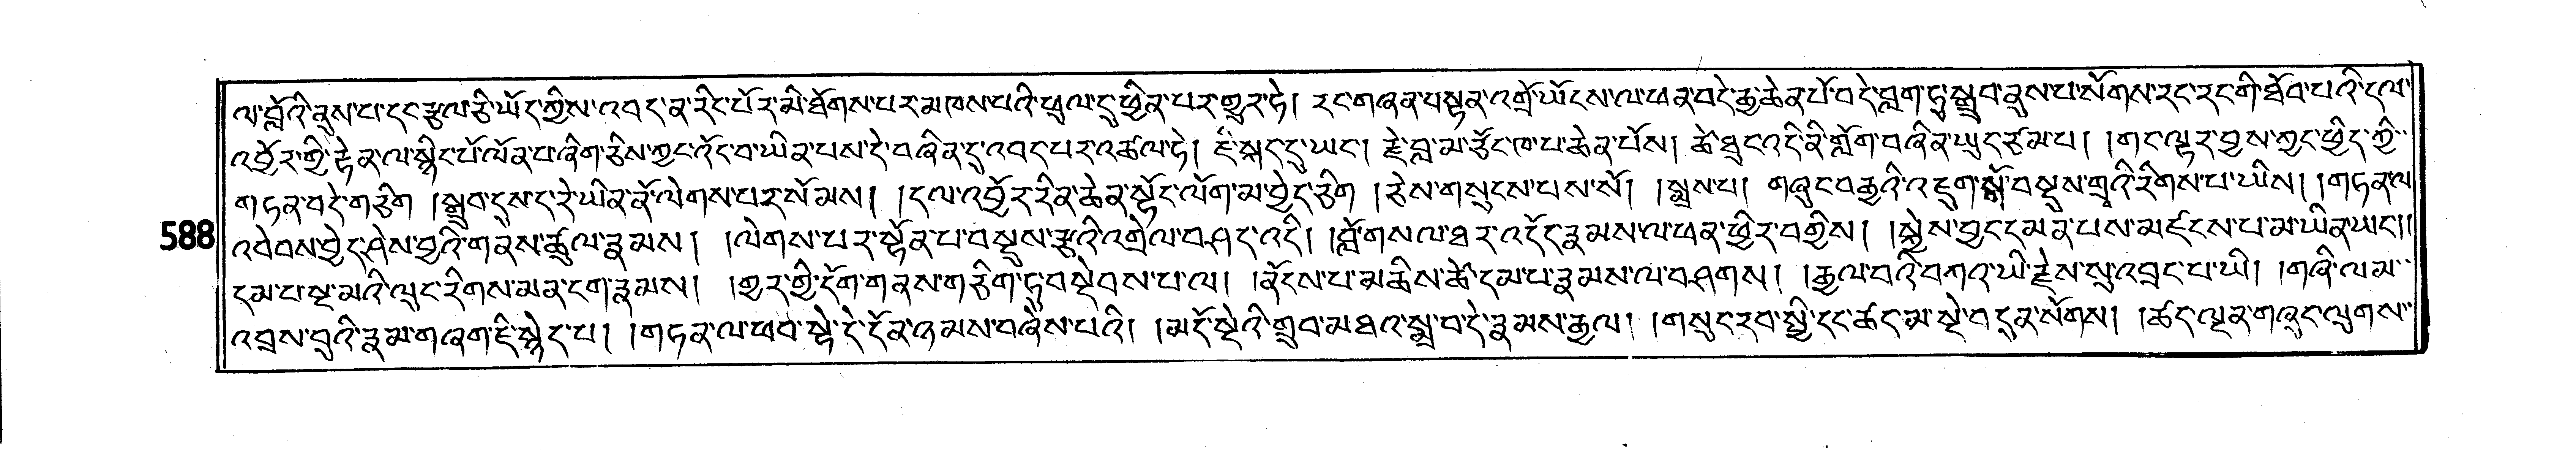ལ་བློའི་ནུས་པ་དང་རྩལ་ཅི་ཡོད་ཀྱིས་འབད་ན་རིང་པོར་མི་ཐོགས་པར་མཁས་པའི་ཕུལ་དུ་ཕྱིན་པར་གྱུར་ཏེ། རང་གཞན་བསྟན་འགྲོ་ཡོངས་ལ་ཕན་བདེ་རྒྱ་ཆེན་པོ་བདེ་བླག་ཏུ་སྒྲུབ་ནུས་པ་སོགས་རང་རང་གི་ཐོབ་པའི་དལ་
འབྱོར་གྱི་རྟེན་ལ་སྙིང་པོ་ལོན་པ་ཞིག་ཅིས་ཀྱང་འོང་བ་ཡིན་པས་དེ་བཞིན་དུ་འབད་པར་འཚལ་ཏེ། ཇི་སྐད་དུ་ཡང་། རྗེ་བླ་མ་ཙོང་ཁ་པ་ཆེན་པོས། ཚེ་ཐུང་འདི་ནི་གློག་བཞིན་ཡུད་ཙམ་པ། གང་ལྟར་བྱས་ཀྱང་ཕྱིད་ཀྱི་
གཏན་བདེ་གཅིག །སྒྲུབ་དུས་ད་རེ་ཡིན་ནོ་ལེགས་པར་སོམས། །དལ་འབྱོར་རིན་ཆེན་སྟོང་ལོག་མ་བྱེད་ཅིག །ཅེས་གསུངས་པས་སོ། །སྨྲས་པ། གཞུང་བརྒྱའི་འཇུག་སྒོ་བསྡུས་གྲྭའི་རིགས་པ་ཡིས། །གཏན་ལ་
འབེབས་བྱེད་ཤེས་བྱའི་གནས་ཚུལ་རྣམས། །ལེགས་པར་སྟོན་པ་བསྡུས་རྩའི་འགྲེལ་བཤད་འདི། །བློ་གསལ་ཐར་འདོད་རྣམས་ལ་ཕན་ཕྱིར་བགྱིས། །སྐྱེས་བྱང་དམན་པས་མཛངས་པ་མ་ཡིན་ཡང་། །
དམ་པ་སྔ་མའི་ལུང་རིགས་མན་ངག་རྣམས། །གྱར་གྱི་དོག་གནས་གཅིག་ཏུ་བསྡེབས་པ་ལ། །ནོངས་པ་མཆིས་ཚེ་དམ་པ་རྣམས་ལ་བཤགས། །རྒྱལ་བའི་བཀའ་ཡི་རྗེས་སུ་འབྲང་པ་ཡི། །གཞི་ལམ་
འབྲས་བུའི་རྣམ་གཞག་ཇི་སྙེད་པ། །གཏན་ལ་ཕབ་སྟེ་དེ་དོན་ཉམས་བཞེས་པའི། །མདོ་སྡེའི་གྲུབ་མཐའ་སྨྲ་བ་དེ་རྣམས་རྒྱལ། །གསུང་རབ་སྤྱི་དང་ཚང་མ་སྡེ་བདུན་སོགས། །ཚད་ལྡན་གཞུང་ལུགས་